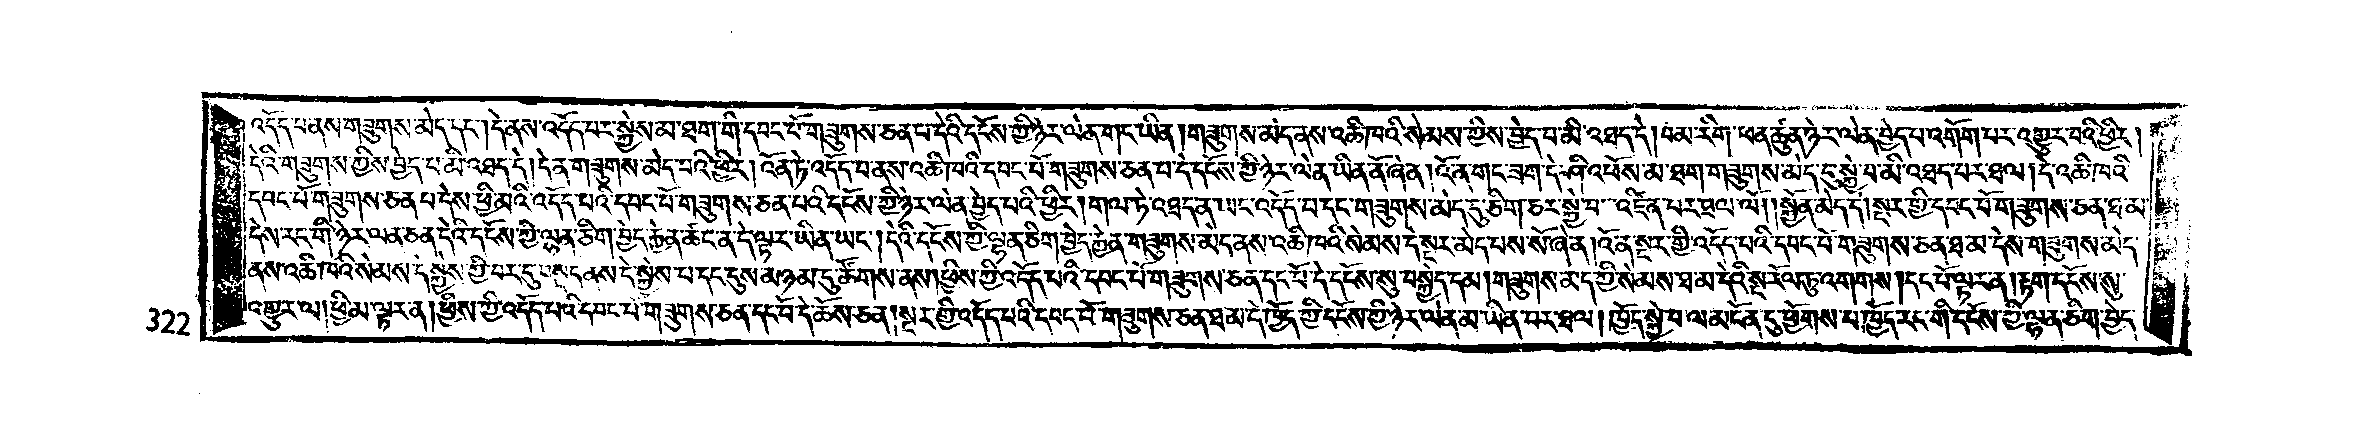འདོད་པ་ནས་གཟུགས་མེད་དང་། དེ་ནས་འདོད་པར་སྐྱེས་མ་ཐག་གི་དབང་པོ་གཟུགས་ཅན་པ་དེའི་དངོས་ཀྱི་ཉེར་ལེན་གང་ཡིན། གཟུགས་མེད་ནས་འཆི་ཁའི་སེམས་ཀྱིས་བྱེད་པ་མི་འཐད་དེ། བོམ་རིག་ཕན་ཚུན་ཉེར་ལེན་བྱེད་པ་འགོག་པར་འགྱུར་བའི་ཕྱིར།
དེའི་གཟུགས་ཀྱིས་བྱེད་པ་མི་འཐད་དེ། དེ་ན་གཟུགས་མེད་པའི་ཕྱིར། འོན་ཏེ་འདོད་པ་ནས་འཆི་ཁའི་དབང་པོ་གཟུགས་ཅན་པ་དེ་དངོས་ཀྱི་ཉེར་ལེན་ཡིན་ནོ་ཞེ་ན། འོ་ན་གང་ཟག་དེ་ཤི་འཕོས་མ་ཐག་གཟུགས་མེད་དུ་སྐྱེ་བ་མི་འཐད་པར་ཐལ། དེ་འཆི་ཁའི་
དབང་པོ་གཟུགས་ཅན་པ་དེས་ཕྱི་མའི་འདོད་པའི་དབང་པོ་གཟུགས་ཅན་པའི་དངོས་ཀྱི་ཉེར་ལེན་བྱེད་པའི་ཕྱིར། གལ་ཏེ་འཐད་ན་ཡང་འདོད་པ་དང་གཟུགས་མེད་དུ་ཅིག་ཅར་སྐྱེ་བ་འཛིན་པར་ཐལ་ལོ། །སྐྱོན་མེད་དེ། སྔར་གྱི་དབང་པོ་གཟུགས་ཅན་ཐ་མ་
དེས་རང་གི་ཉེར་ལན་ཅན་དེའི་དངོས་ཀྱི་ལྷན་ཅིག་བྱེད་རྐྱེན་ཚང་ན་དེ་ལྟར་ཡིན་ཡང་། དེའི་དངོས་ཀྱི་ལྷན་ཅིག་བྱེད་རྐྱེན་གཟུགས་མེད་ནས་འཆི་ཁའི་སེམས་དེ་སྔར་མེད་པས་སོ་ཞེ་ན། འོ་ན་སྔར་གྱི་འདོད་པའི་དབང་པོ་གཟུགས་ཅན་ཐ་མ་དེས་གཟུགས་མེད་
ནས་འཆི་ཁའི་སེམས་དེ་སྐྱེས་ཀྱི་བར་དུ་བསྡད་ནས་དེ་སྐྱེས་པ་དང་དུས་མཉམ་དུ་ཚོགས་ནས། ཕྱིས་ཀྱི་འདོད་པའི་དབང་པོ་གཟུགས་ཅན་དང་པོ་དེ་དངོས་སུ་བསྐྱེད་དམ། གཟུགས་མེད་ཀྱི་སེམས་ཐ་མ་དེའི་སྔ་རོལ་ཏུ་འགགས། དང་པོ་ལྟར་ན། རྟག་དངོས་སུ་
འགྱུར་ལ། ཕྱི་མ་ལྟར་ན། ཕྱིས་ཀྱི་འདོད་པའི་དབང་པོ་གཟུགས་ཅན་དང་པོ་དེ་ཆོས་ཅན། སྔར་གྱི་འདོད་པའི་དབང་པོ་གཟུགས་ཅན་ཐ་མ་དོ་ཁྱོད་ཀྱི་དངོས་ཀྱི་ཉེར་ལེན་མ་ཡིན་པར་ཐལ། ཁོད་སྐྱེ་བ་ལ་མངོན་དུ་ཕྱོགས་པ་ཁོད་རང་གི་དངོས་ཀྱི་ལྷན་ཅིག་བྱེད་